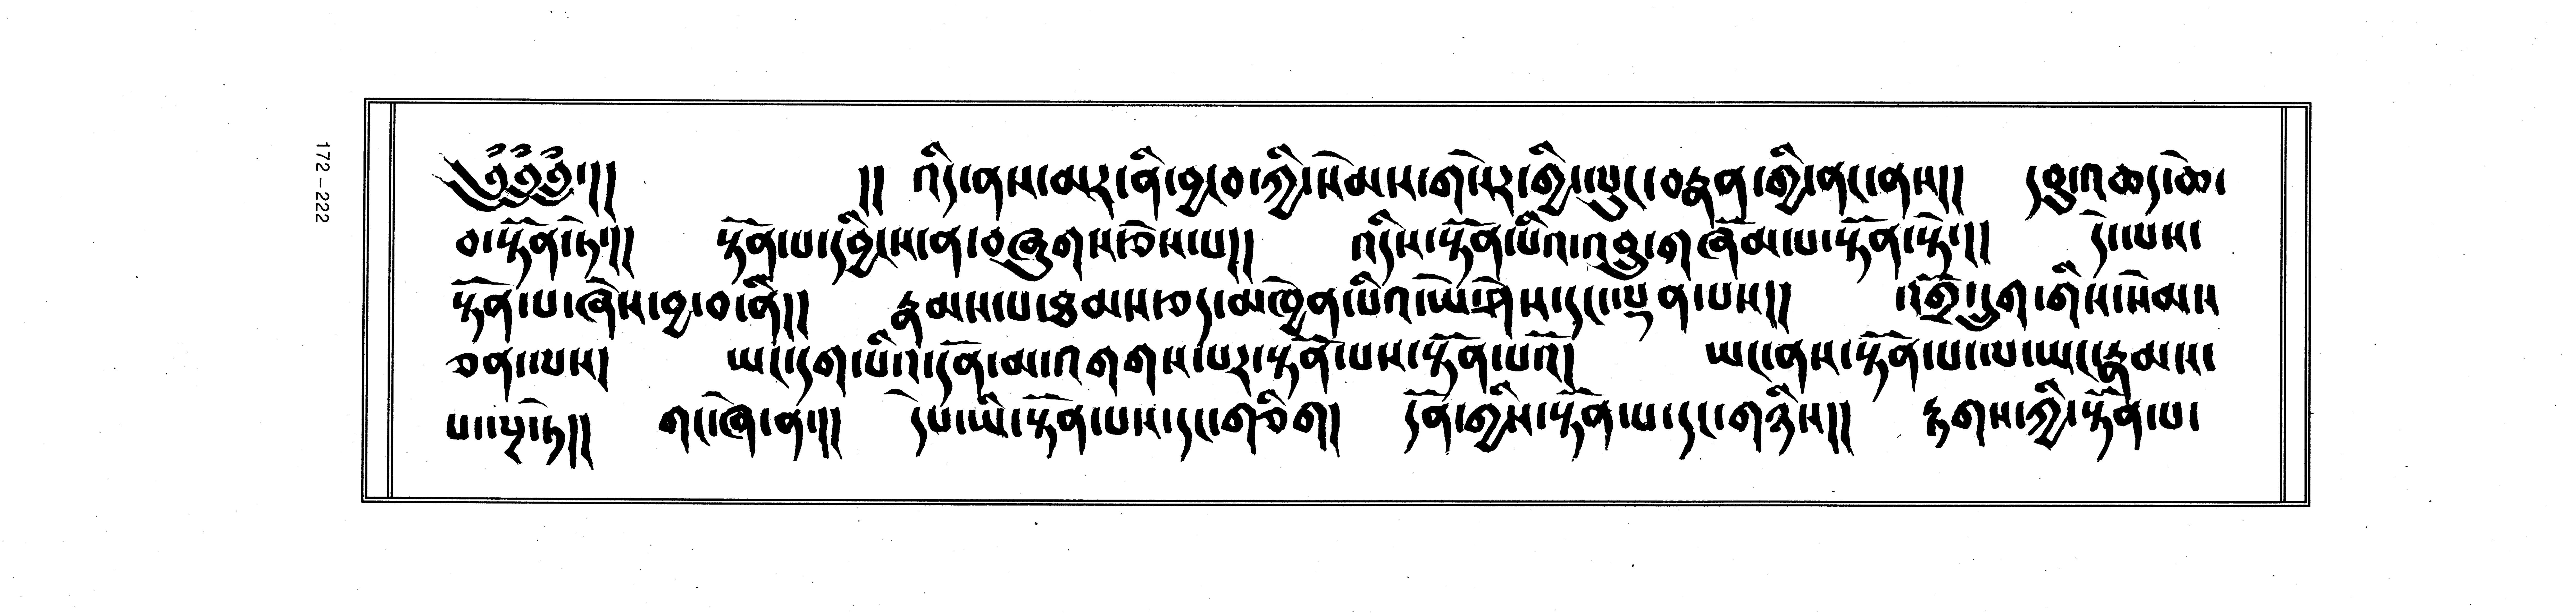༄༅༅།། །།འདི་ནས་མར་ནི་བྱང་ཆུབ་ཀྱིས་སེམས་གསེར་གྱི་ལུང་བརྣན་གྱི་ནང་ནས། དབུ་འཆད་ཆེ་
བ་སྟོན་ཏེ། སྟོན་པ་དབྱིངས་ནས་བཞུགས་ཅེས་པ། འདིས་སྟོན་པའི་འབྲུ་ཞོམ་པ་སྟོན་སྟེ། དེ་ལས་
སྟོན་པ་ཞེས་བྱ་བ་ནི། རྣམ་པ་ཐམས་ཅད་མཁྱེན་པའི་ཡེ་ཤེས་དང་ལྡན་པས། འགྲོ་དྲུག་གིས་སེམས་
ཅན་ལས། ཡང་དག་པའི་དོན་མ་འགགས་པར་སྟོན་པས་སྟོན་པའོ། ཡང་ནས་སྟོན་པ་ལ་ཡང་རྣམ་
པ་ལྔ་ཏེ། གང་ཞེ་ན། དཔེ་ཡི་སྟོན་པས་དང་གཅིག དོན་གྱིས་སྟོན་པ་དང་གཉིས། རྟགས་ཀྱི་སྟོན་པ་